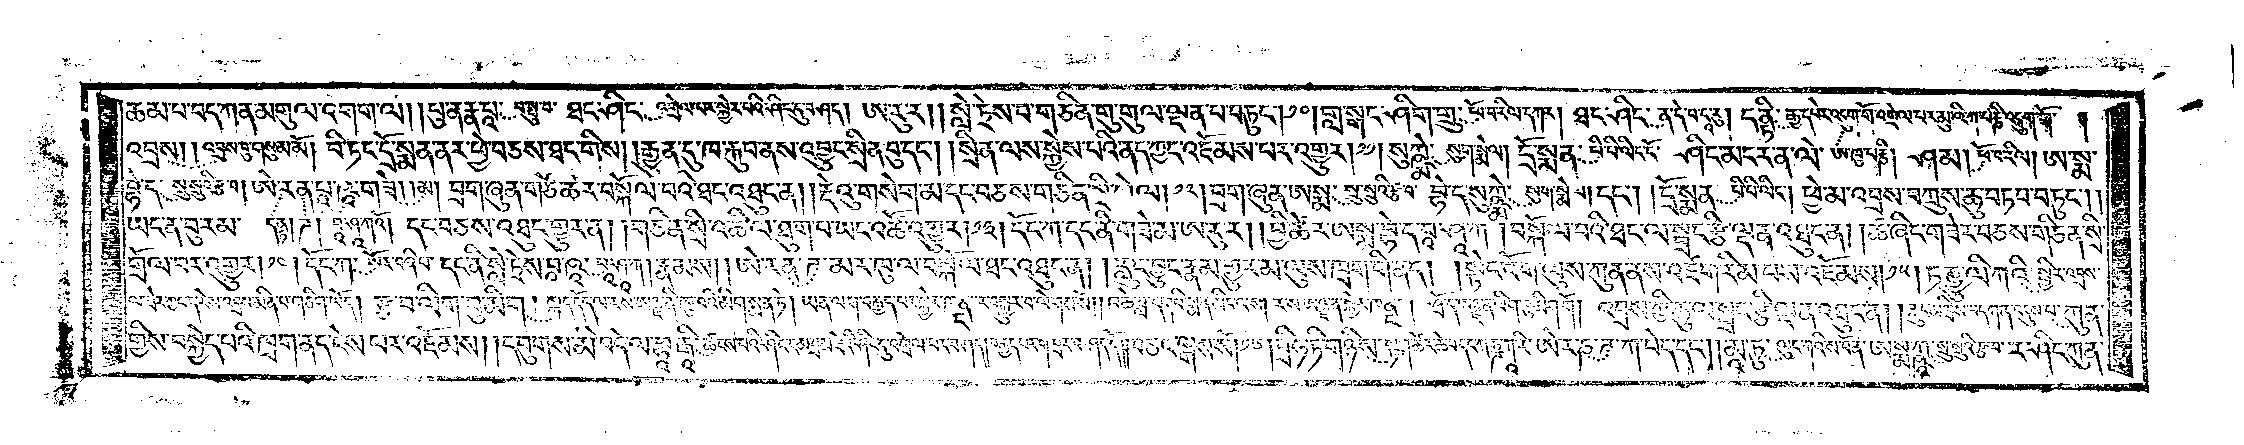ཆམ་པ་བད་ཀན་མགུལ་འགག་ལ། །པུ་ནརྣ་པཱ་བ་སྤུ་བ་ཐང་ཤིང་འགྲེལ་པར་སྐྱེར་པའི་ཤིང་དུ་བཤད། ཨ་རུ་ར། །སླེ་ཏྲེས་བ་གཅིན་གུ་གུལ་ལྡན་པ་བཏུང་། ༡༠་།གླ་སྒང་ཤིག་གྲུ་ཕོ་བ་རིལ་དཀར། ཐང་ཤིང་ན་དེ་བ་དཱ་རུ། དནྟི་རྒྱ་དཔེར་འདུག་གོ་འགྲེལ་པར་མུ་ཥི་ཀ་པརྞི་འདུག་གོ །
འབྲས། །འབྲས་བུ་གསུམ་མོ། བི་ཏང་དྲོ་སྨན་ནར་ཕྱེ་བཅས་ཐང་གིས། །རྒྱུན་དུ་ཁ་རྐུབ་ནས་འབྱུང་སྲིན་བུ་དང་། །སྲིན་ལས་སྐྱེས་པའི་ནད་ཀྱང་འཇོམས་པར་འགྱུར། ༡༡་།སུཀྵྨེ་སུག་སྨེལ། དྲོ་སྨན་པི་པི་ལིང་ངོ་ཤིང་མངར་ན་ལེ་ཨ་ཁུ་པརྞི། ཤམ། ཕོ་བ་རིལ། ཨ་སྨ་
བྷེ་ད་སྲུ་སྲུའི་རྩ་བ། ཨེ་རན་པཱ་ཥཱ་གཟེ། །མ། བྲག་ཞུན་གཙོ་ཆེར་བསྐོལ་བའི་ཐང་འཐུང་ན། །རྡེའུ་གསེག་མ་དང་བཅས་གཅིན་སྡེ་ཕེལ?། ༡༢་།བྲག་ཞུན་ཨསྨ་སྲུ་སྲུའི་རྩ་བ་བྷེ་ད་སུཀྵྨེ་སུག་སྨེ་བ?། དང་། །དྲོ་སྨན་པི་པི་ལིང་། ཕྱེ་མ་འབྲས་བཀྲུས་ཆུ་བཏབ་བཏུང་། །
ཡང་ན་བུ་རམ་དནྟ། ཌ། བཱ་ཤཱ་ཀའོ། དང་བཅས་འཐུང་གྱུར་ན། །གཅིན་སྲི་འཆི་ལ་ཐུག་པ་ཡང་འཚོ་འགྱུར། ༡༣་།དོང་ཀ་དང་ནི་གཟེ་མ་ཨ་རུ་ར། །བྱི་ཚེར་ཨསྨ་བྷེ་ད་བཱ་ཤཱ་ཀ །བསྐོལ་བའི་ཐང་ལ་སྦྲང་རྩི་ལྡན་འཐུང་ན། །ཚ་ཞིང་གཟེར་བཅས་གཅིན་སྲི་
གྲོལ་བར་འགྱུར། ༡༤་།དོང་ཀ་སོར་བཞི་པ་དང་ནི་སླེ་ཏྲེས་བཱ་ཥཱ་བཱ་ཤཱ་ཀ། རྣམས། །ཨེ་རན་ཌ་མར་ཁུ་ལ་བསྐོལ་ཐང་འཐུང་ན། །རླུང་བྱུང་རྣམ་གྱུར་མ་ལུས་ཁྲག་གི་ནད། །སྟེང་འོག་ལུས་ཀུན་ནས་འཛོག་རིམ་པས་འཇོམས། ༡༥་།ཏཎྱུ་ལི་ཀའི་སྦྱིར་འབྲས་
ལ་ཕྲེར་ཀྱང་ད་རེས་འབྲས་མིན་པ་གཅིག་ཡོད། རྩ་བ་ལིག་བུ་མིག །སྐད་དོད་ལ་རས་ཨཉྫ་ནི་ཁུ་བའི་མིག་སྨན་ཏེ། ཡན་ལག་བརྒྱད་པར་ཕྱེ་ཁཎྡ་ར་བསྒྱུར་བ་ལེགས་སོ། །ཁ་ཆེ་བླ་དགའི་སྨན་མིང་ལས། ར་ས་ཨཉྫ་ན་སྐྱེར་ཁནྡ། ཤྲོ་ད་ཨཉྫ་ན་ལིག་འུ་མིག་གོ། འབྲས་ཀྱི་ཆུ་ལ་སྦྲང་རྩི་ལྡན་འཐུང་ན། །རླུང་མཁྲིས་བད་ཀན་འདུས་པ་ཀུན་
གྱིས་བསྐྱེད་པའི་ཁྲག་ནད་ངེས་པར་འཇོམས། །དབུགས་མི་བདེ་ལ་བྷཱ་རྒཱི་ཚངས་པའི་ཤིང་ངམ་བྲམ་ཟེའི་ཤིང་དུ་འགྲེལ་པར་བཤད། བརྒྱད་པར་ག་པྲར་བཤད་དོ། །བཅའ་ལྒས་སོ། ༡༦་།བྲ་ཧི་ཏི་གཉིས་སྟག་ཚེར་ཆེ་བ་དང་ཀཎྜ་ཀཱ་རི་ཨེ་ར་ཎ་ཌ་ཀ་པེད་དང་། །མཱ་ཏུ་ལུང་ཀའི་ས་བོན་ཨསྨ་ཀྵཱ་སྲུ་སྲུའི་རྩ་བ་ར་ཤིང་ཀུན་